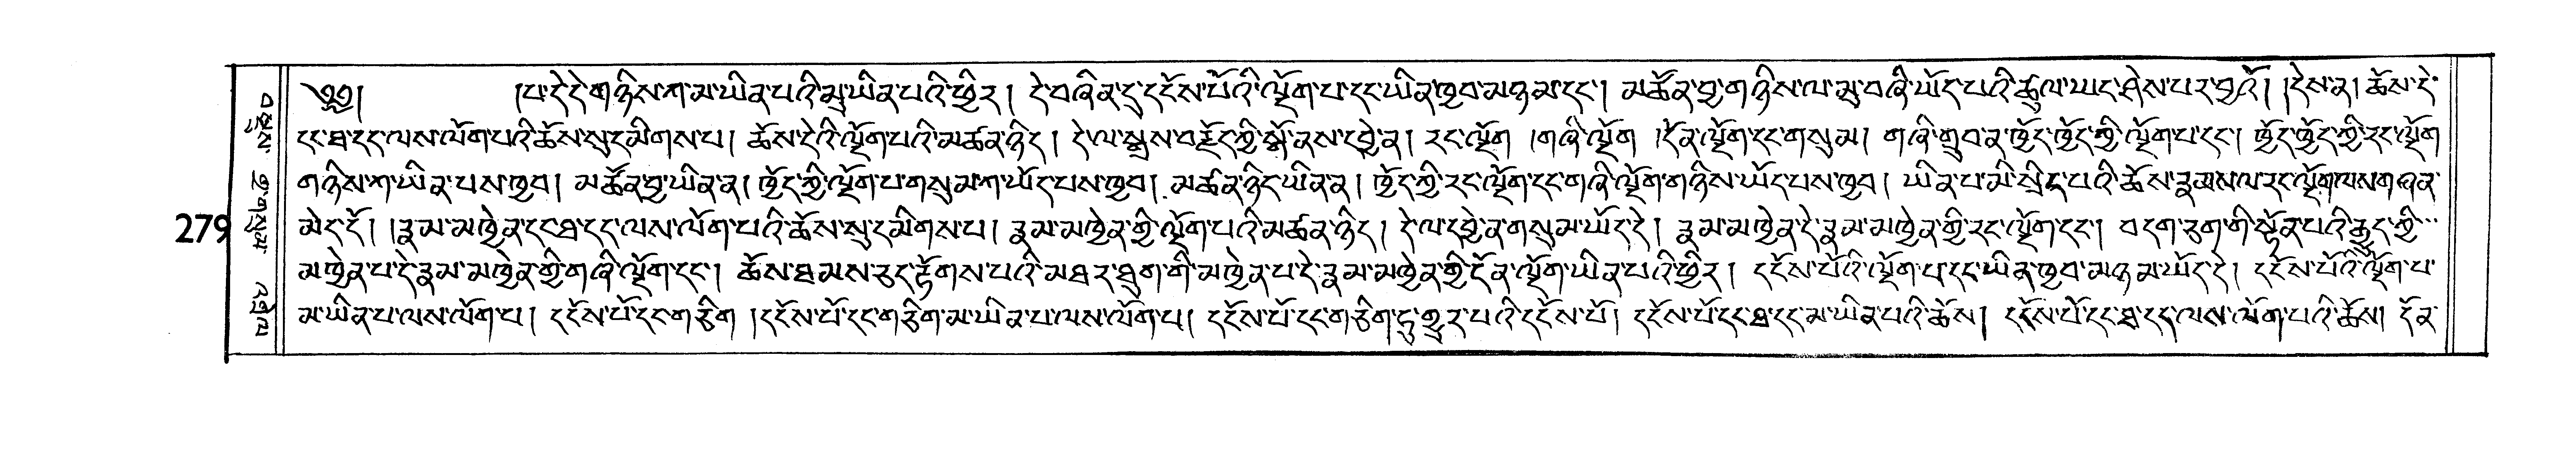༄༅། །པ་དེ་དེ་གཉིས་ཀ་མ་ཡིན་པའི་མྲ་ཡིན་པའི་ཕྱིར། དེ་བཞིན་དྲ་དངོས་པོའི་ལྡོག་པ་དང་ཡིན་ཁྱབ་མཉམ་དང་། མཚོན་བྱ་གཉིས་ལ་མུ་བཞི་ཡོད་པའི་ཚུལ་ཡང་ཤེས་པར་བྱའོ། །དེས་ན། ཆོས་དེ་
དང་ཐ་དད་ལས་ལོག་པའི་ཆོས་སུ་དམིགས་པ། ཆོས་དེའི་ལྡོག་པའི་མཚན་ཉིད། དེ་ལ་སྒྲས་བརྗོད་ཀྱི་སྒོ་ནས་དབྱེ་ན། རང་ལྡོག །གཞི་ལྡོག །དོན་ལྡོག་དང་གསུམ། གཞི་གྲུབ་ན་ཁྱོད་ཁྱོད་ཀྱི་ལྡོག་པ་དང་། ཁྱོད་ཁྱོད་ཀྱི་རང་ལྡོག་
གཉིས་ཀ་ཡིན་པས་ཁྱབ། མཚོན་བྱ་ཡིན་ན། ཁྱོད་ཀྱི་ལྡོག་པ་གསུམ་ཀ་ཡོད་པས་ཁྱབ། མཚན་ཉིད་ཡིན་ན། ཁྱོད་ཀྱི་རང་ལྡོག་དང་གཞི་ལྡོག་གཉིས་ཡོད་པས་ཁྱབ། ཡིན་པ་མི་སྲིད་པའི་ཆོས་རྣམས་ལ་རང་ལྡོག་ལས་གཞན་
མེད་དོ། །རྣམ་མཁྱེན་དང་ཐ་དད་ལས་ལོག་པའི་ཆོས་སུ་དམིགས་པ། རྣམ་མཁྱེན་གྱི་ལྡོག་པའི་མཚན་ཉིད། དེ་ལ་དབྱེ་ན་གསུམ་ཡོད་དེ། རྣམ་མཁྱེན་དེ་རྣམ་མཁྱེན་གྱི་རང་ལྡོག་དང་། བདག་ཅག་གི་སྟོན་པའི་རྒྱུད་ཀྱི་
མཁྱེན་པ་དེ་རྣམ་མཁྱེན་གྱི་གཞི་ལྡོག་དང་། ཆོས་ཐམས་ཅད་རྟོགས་པའི་མཐར་ཐུག་གི་མཁྱེན་པ་དེ་རྣམ་མཁྱེན་གྱི་དོན་ལྡོག་ཡིན་པའི་ཕྱིར། དངོས་པོའི་ལྡོག་པ་དང་ཡིན་ཁྱབ་མཉམ་ཡོད་དེ། དངོས་པོའི་ལྡོག་པ་
མ་ཡིན་པ་ལས་ལོག་པ། དངོས་པོ་དང་གཅིག །དངོས་པོ་དང་གཅིག་མ་ཡིན་པ་ལས་ལོག་པ། དངོས་པོ་དང་གཅིག་ཏུ་གྱུར་པའི་དངོས་པོ། དངོས་པོ་དང་ཐ་དད་མ་ཡིན་པའི་ཆོས། དངོས་པོ་དང་ཐ་དད་ལས་ལོག་པའི་ཆོས། དོན་